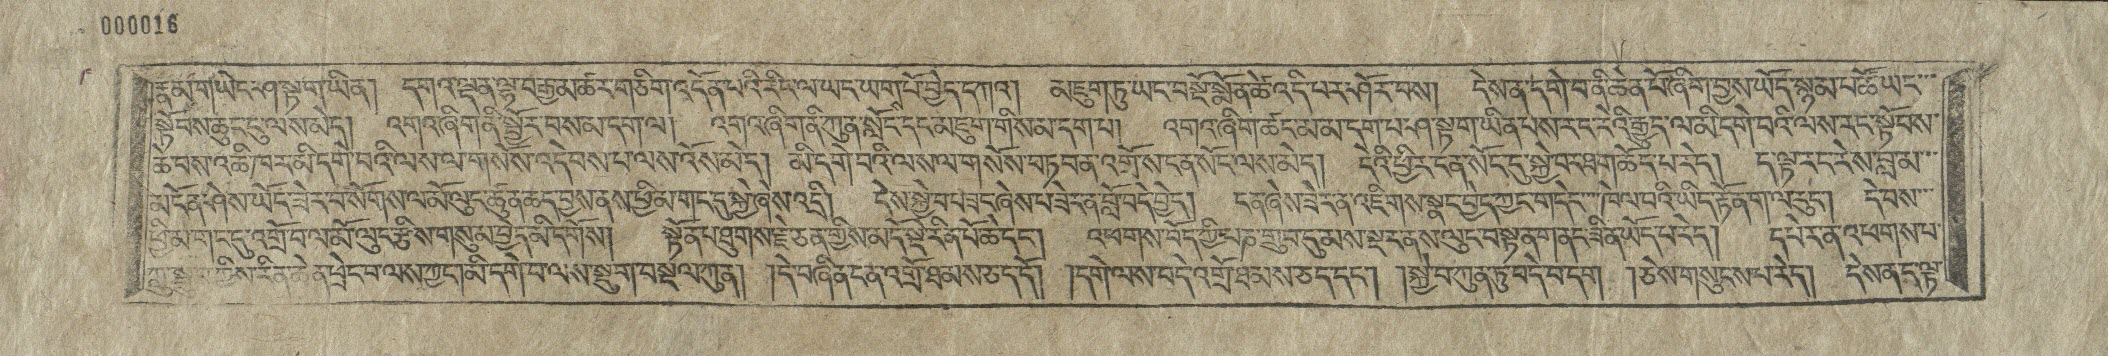རྣམ་གཡེང་ཤ་སྟག་ཡིན། དགའ་ལྡན་ལྷ་བརྒྱ་མ་ཚར་གཅིག་འདོན་པའི་རིང་ལ་ཡང་ཡགས་པོ་བྱེད་དཀའ། མཇུག་ཏུ་ཡང་བསྔོ་སྨོན་ཚེ་འདི་པར་ཤོར་བས། དེས་ན་དགེ་བ་ནི་ཆེན་པོ་ཞིག་བྱས་ཡོད་སྙམ་པ་ཚོ་ཡང་
སྟོབས་ཆུང་ངུ་ལས་མེད། འགའ་ཞིག་ནི་སྦྱོར་བས་མ་དག་ལ། འགའ་ཞིག་ནི་ཀུན་སློང་དང་མཇུག་གིས་མ་དག་པ། འགའ་ཞིག་ཚང་མ་མ་དག་པ་ཤ་སྟག་ཡིན་པས་རང་རེའི་རྒྱུད་ལ་མི་དགེ་བའི་ལས་རང་སྟོབས་
ཆེ་བས་འཆི་ཁར་མི་དགེ་བའི་ལས་ལ་གསོས་འདེབས་པ་ལས་འོས་མེད། མི་དགེ་བའི་ལས་ལ་གསོས་བཏབ་ན་འགྲོ་ས་ངན་སོང་ལས་མེད། དེའི་ཕྱིར་ངན་སོང་དུ་སྐྱེ་བར་ཐག་ཆོད་པ་རེད། ད་ལྟ་རང་རེས་བླ་མ་
མངོན་ཤེས་ཡོད་ཟེར་བ་སོགས་ལ་མོ་ལུང་ཚུན་ཆད་བྱས་ནས་ཕྱི་མ་གང་དུ་སྐྱེ་ཞེས་འདྲི། དེས་སྐྱེ་བ་བཟང་ཞེས་པ་ཟེར་ན་བློ་བདེ་བྱེད། ངན་ཞེས་ཟེར་ན་འཇིགས་སྣང་བྱེད་ཀྱང་གདེང་ཁེལ་བའི་ཡིད་རྟོན་ག་ལ་རུང་། དེ་བས་
ཕྱི་མ་གང་དུ་འགྲོ་བ་ལ་མོ་ལུང་རྩིས་གསུམ་བྱེད་མི་དགོས། སྟོན་པ་ཐུགས་རྗེ་ཅན་གྱིས་མདོ་སྡེ་རིན་པོ་ཆེ་དང་། འཕགས་བོད་ཀྱི་པཎ་གྲུབ་དུ་མས་སྔར་ནས་ལུང་བསྟན་གནང་ཟིན་ཡོད་པ་རེད། དཔེར་ན་འཕགས་པ་
ཀླུ་སྒྲུབ་ཀྱིས་རིན་ཆེན་ཕྲེང་བ་ལས་ཀྱང་། མི་དགེ་བ་ལས་སྡུག་བསྔལ་ཀུན། །དེ་བཞིན་ངན་འགྲོ་ཐམས་ཅད་དོ། །དགེ་ལས་བདེ་འགྲོ་ཐམས་ཅད་དང་། །སྐྱེ་བ་ཀུན་ཏུ་བདེ་བ་དག །ཅེས་གསུངས་པ་རེད། དེས་ན་ད་ལྟ་